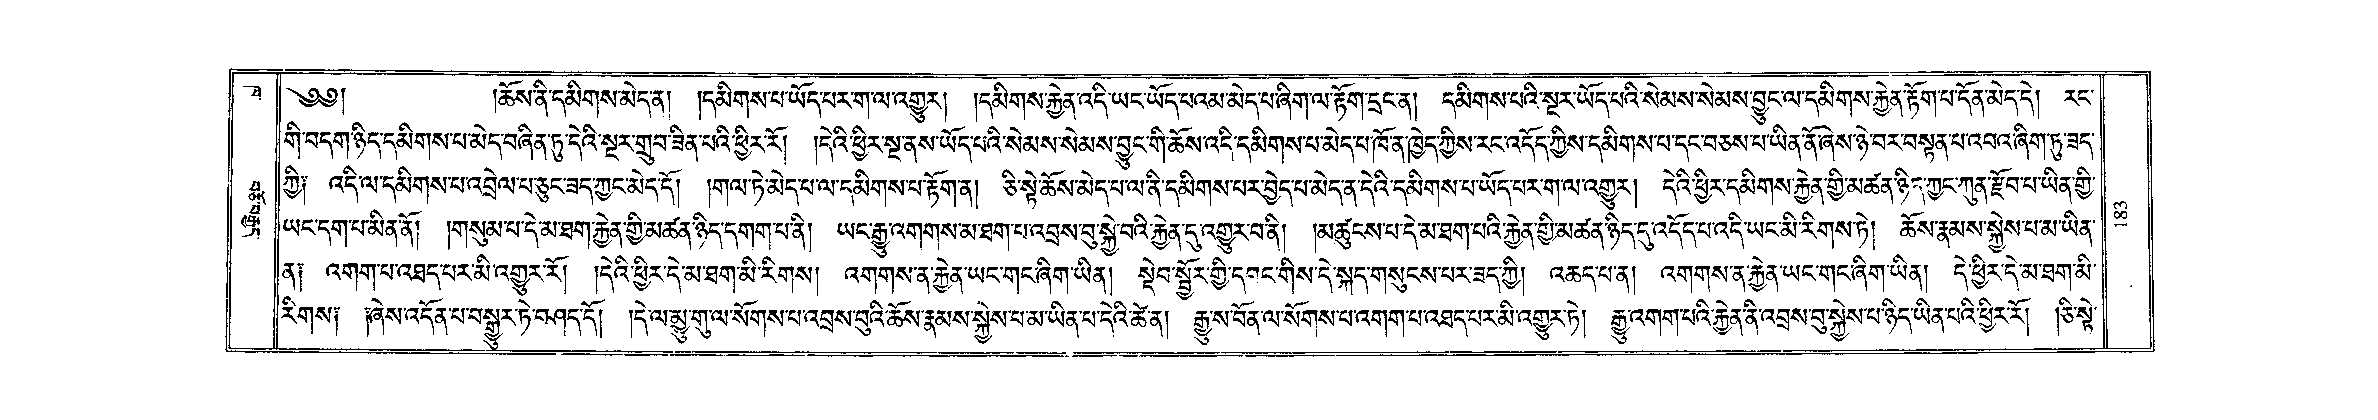༄༅། །ཆོས་ནི་དམིགས་མེད་ན། །དམིགས་པ་ཡོད་པར་ག་ལ་འགྱུར། །དམིགས་རྐྱེན་འདི་ཡང་ཡོད་པའམ་མེད་པ་ཞིག་ལ་རྟོག་དྲང་ན། དམིགས་པའི་སྔར་ཡོད་པའི་སེམས་སེམས་བྱུང་ལ་དམིགས་རྐྱེན་རྟོག་པ་དོན་མེད་དེ། རང་
གི་བདག་ཉིད་དམིགས་པ་མེད་བཞིན་ཏུ་དེའི་སྔར་གྲུབ་ཟིན་པའི་ཕྱིར་རོ། །དེའི་ཕྱིར་སྔ་ནས་ཡོད་པའི་སེམས་སེམས་བྱུང་གི་ཆོས་འདི་དམིགས་པ་མེད་པ་ཁོ་ན་ཁྱེད་ཀྱིས་རང་འདོད་ཀྱིས་དམིགས་པ་དང་བཅས་པ་ཡིན་ནོ་ཞེས་ཉེ་བར་བསྟན་པ་འབའ་ཞིག་ཏུ་ཟད་
ཀྱི༑ འདི་ལ་དམིགས་པ་འབྲེལ་པ་ཅུང་ཟད་ཀྱང་མེད་དོ། །གལ་ཏེ་མེད་པ་ལ་དམིགས་པ་རྟོག་ན། ཅི་སྟེ་ཆོས་མེད་པ་ལ་ནི་དམིགས་པར་བྱེད་པ་མེད་ན་དེའི་དམིགས་པ་ཡོད་པར་ག་ལ་འགྱུར། དེའི་ཕྱིར་དམིགས་རྐྱེན་གྱི་མཚན་ཉིད་ཀྱང་ཀུན་རྫོབ་པ་ཡིན་གྱི་
ཡང་དག་པ་མིན་ནོ། །གསུམ་པ་དེ་མ་ཐག་རྐྱེན་གྱི་མཚན་ཉིད་དགག་པ་ནི། ཡང་རྒྱུ་འགགས་མ་ཐག་པ་འབྲས་བུ་སྐྱེ་བའི་རྐྱེན་དུ་འགྱུར་བ་ནི། །མཚུངས་པ་དེ་མ་ཐག་པའི་རྐྱེན་གྱི་མཚན་ཉིད་དུ་འདོད་པ་འདི་ཡང་མི་རིགས་ཏེ། ཆོས་རྣམས་སྐྱེས་པ་མ་ཡིན་
ན༑ འགག་པ་འཐད་པར་མི་འགྱུར་རོ། །དེའི་ཕྱིར་དེ་མ་ཐག་མི་རིགས། འགགས་ན་རྐྱེན་ཡང་གང་ཞིག་ཡིན། སྡེབ་སྦྱོར་གྱི་དབང་གིས་དེ་སྐད་གསུངས་པར་ཟད་ཀྱི། འཆད་པ་ན། འགགས་ན་རྐྱེན་ཡང་གང་ཞིག་ཡིན། དེ་ཕྱིར་དེ་མ་ཐག་མི་
རིགས༑ ༑ཞེས་འདོན་པ་བསྒྱུར་ཏེ་བཤད་དོ། །དེ་ལ་མྱུ་གུ་ལ་སོགས་པ་འབྲས་བུའི་ཆོས་རྣམས་སྐྱེས་པ་མ་ཡིན་པ་དེའི་ཚེ་ན། རྒྱུ་ས་བོན་ལ་སོགས་པ་འགག་པ་འཐད་པར་མི་འགྱུར་ཏེ། རྒྱུ་འགག་པའི་རྐྱེན་ནི་འབྲས་བུ་སྐྱེས་པ་ཉིད་ཡིན་པའི་ཕྱིར་རོ། །ཅི་སྟེ་